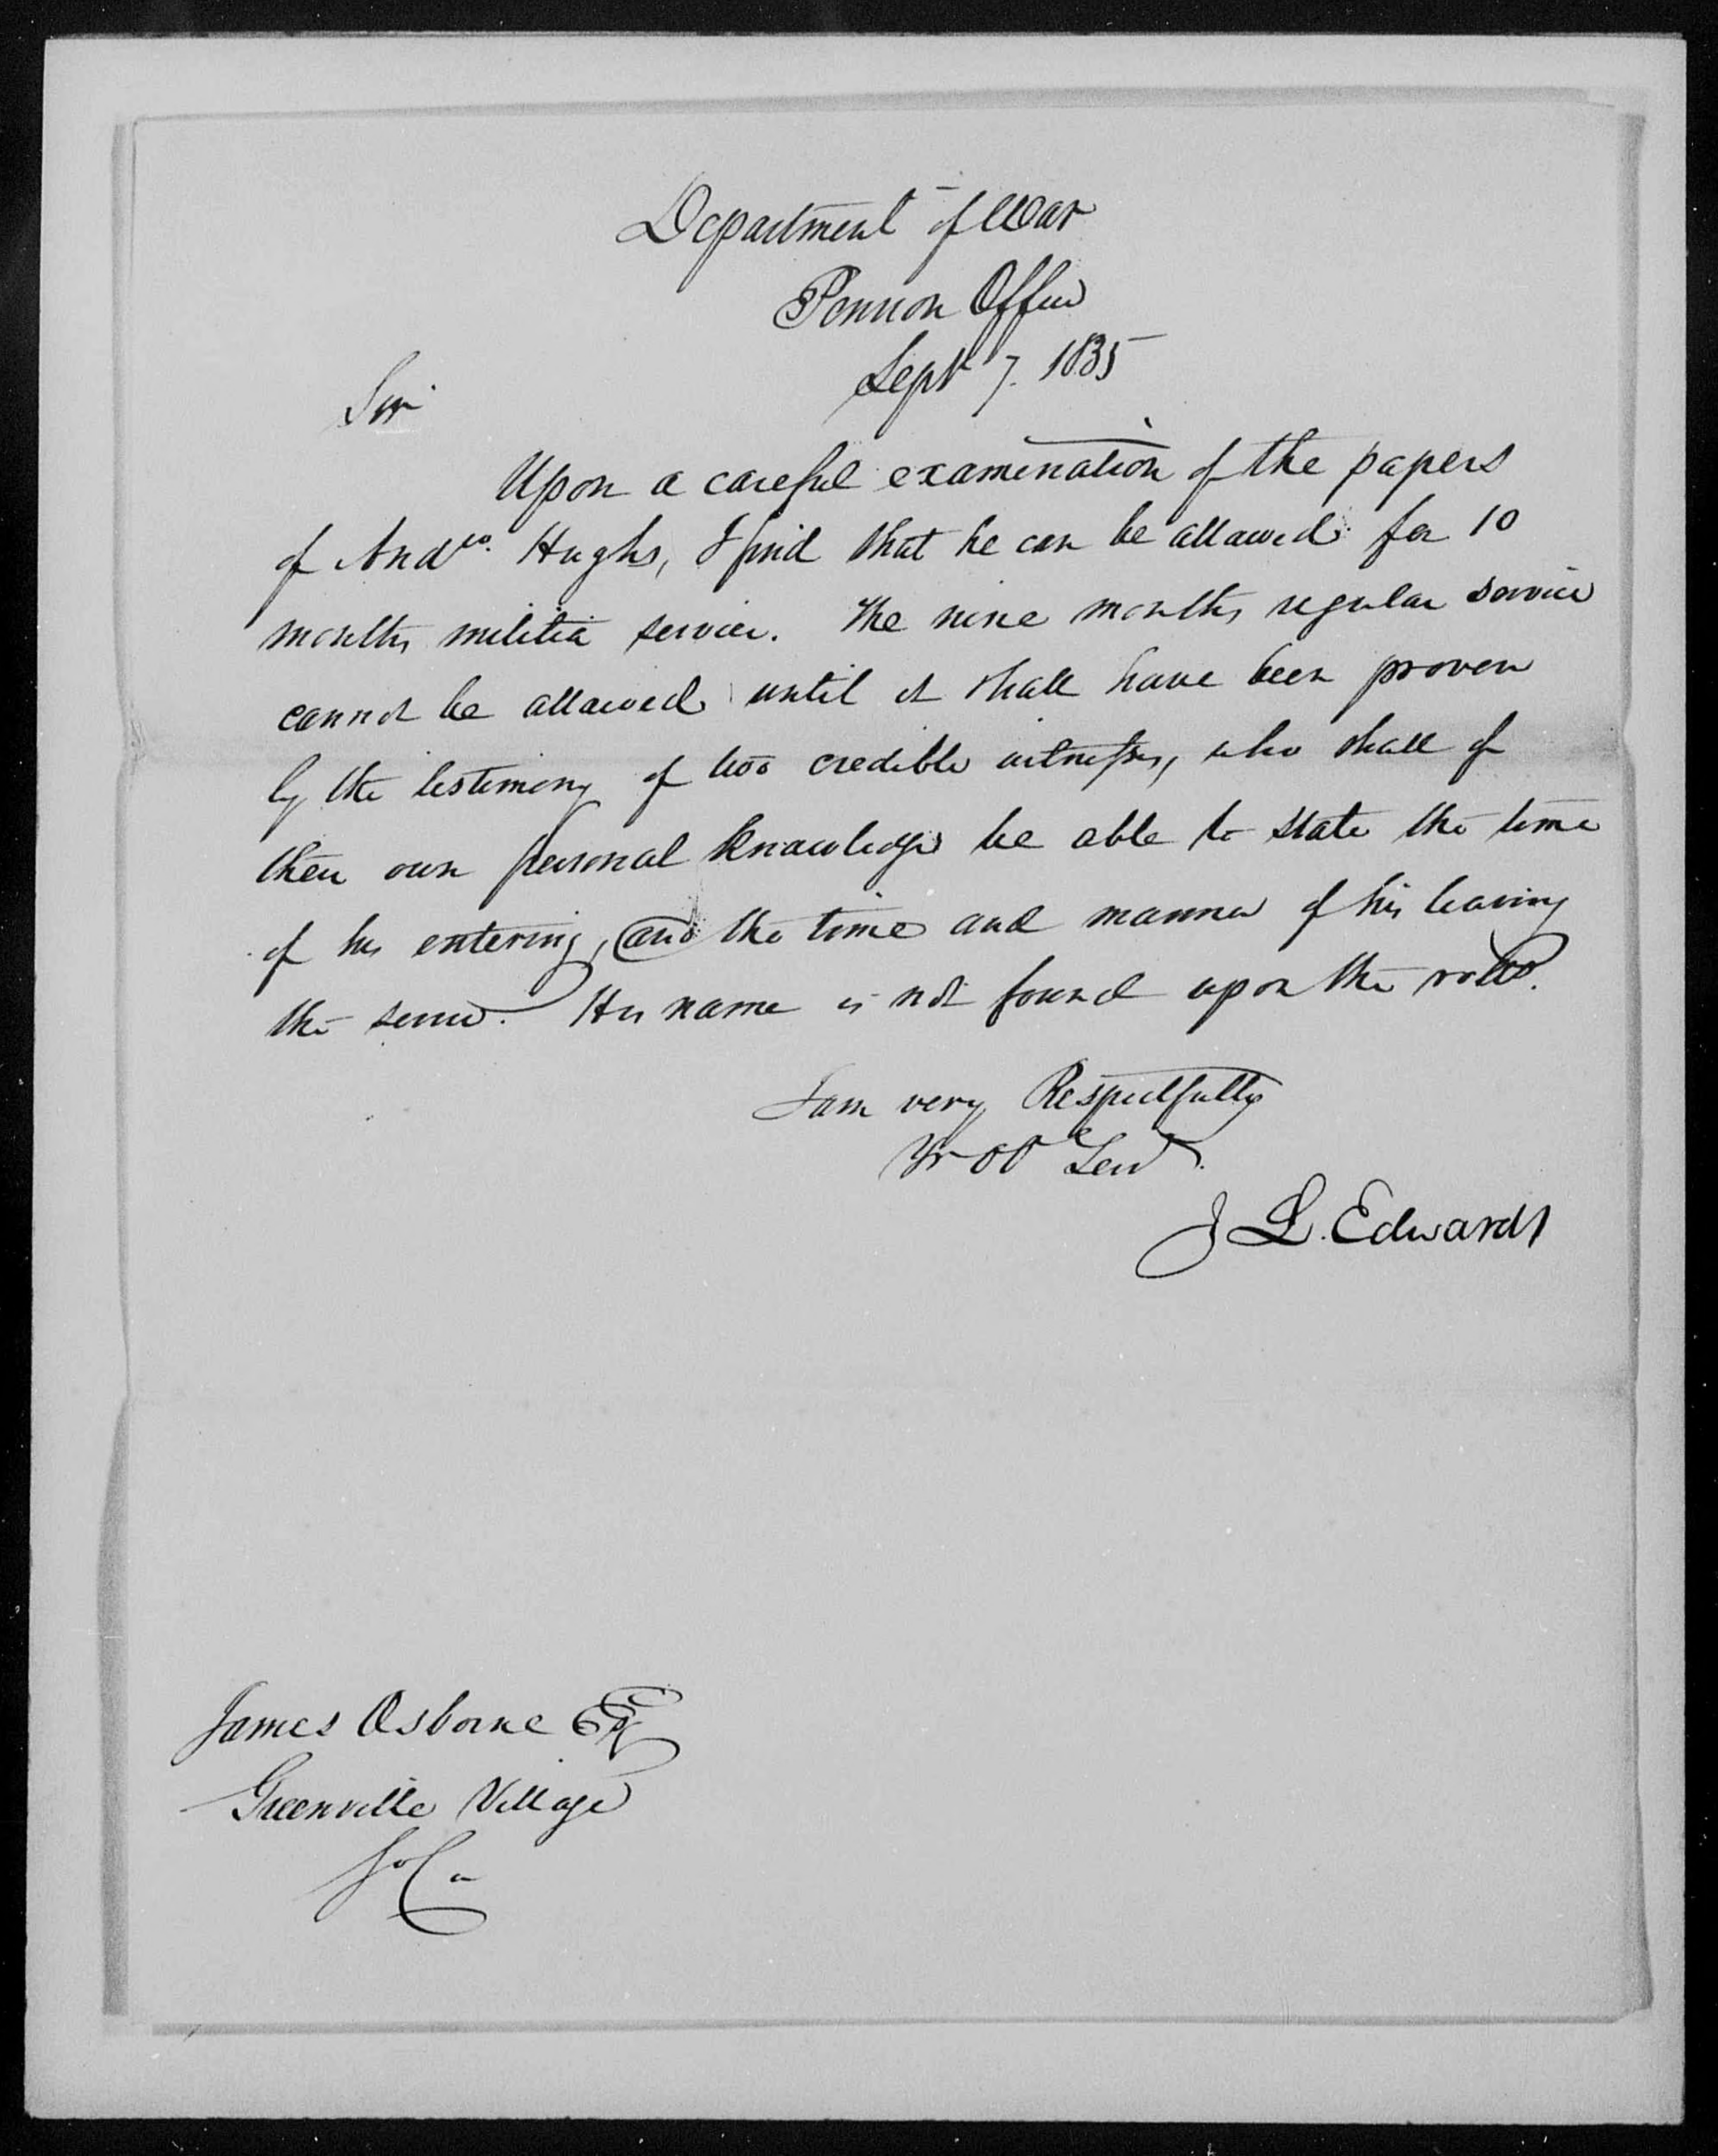Department of War Pennon Office Sept 7 1835
Sir
Upon a careful examination of the papers of Andw Hughs, & find that he can be allowed for 10 months militia service. the nine months regular service cannot be allowed until it shall have been proven by the testimony of two credible witness, who shall of then own personal knowledge be able to state the time of his entering, and the time and manner of his leaving the service. His name is not found upon the [illegible]
I am very Respectfully [illegible ]Lewis. 
J L Edwards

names: James Osborne, Andw Hughs, J L Edwards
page: 41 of 75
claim: widow's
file: W. 25805, Andrew Hughes, N.C.